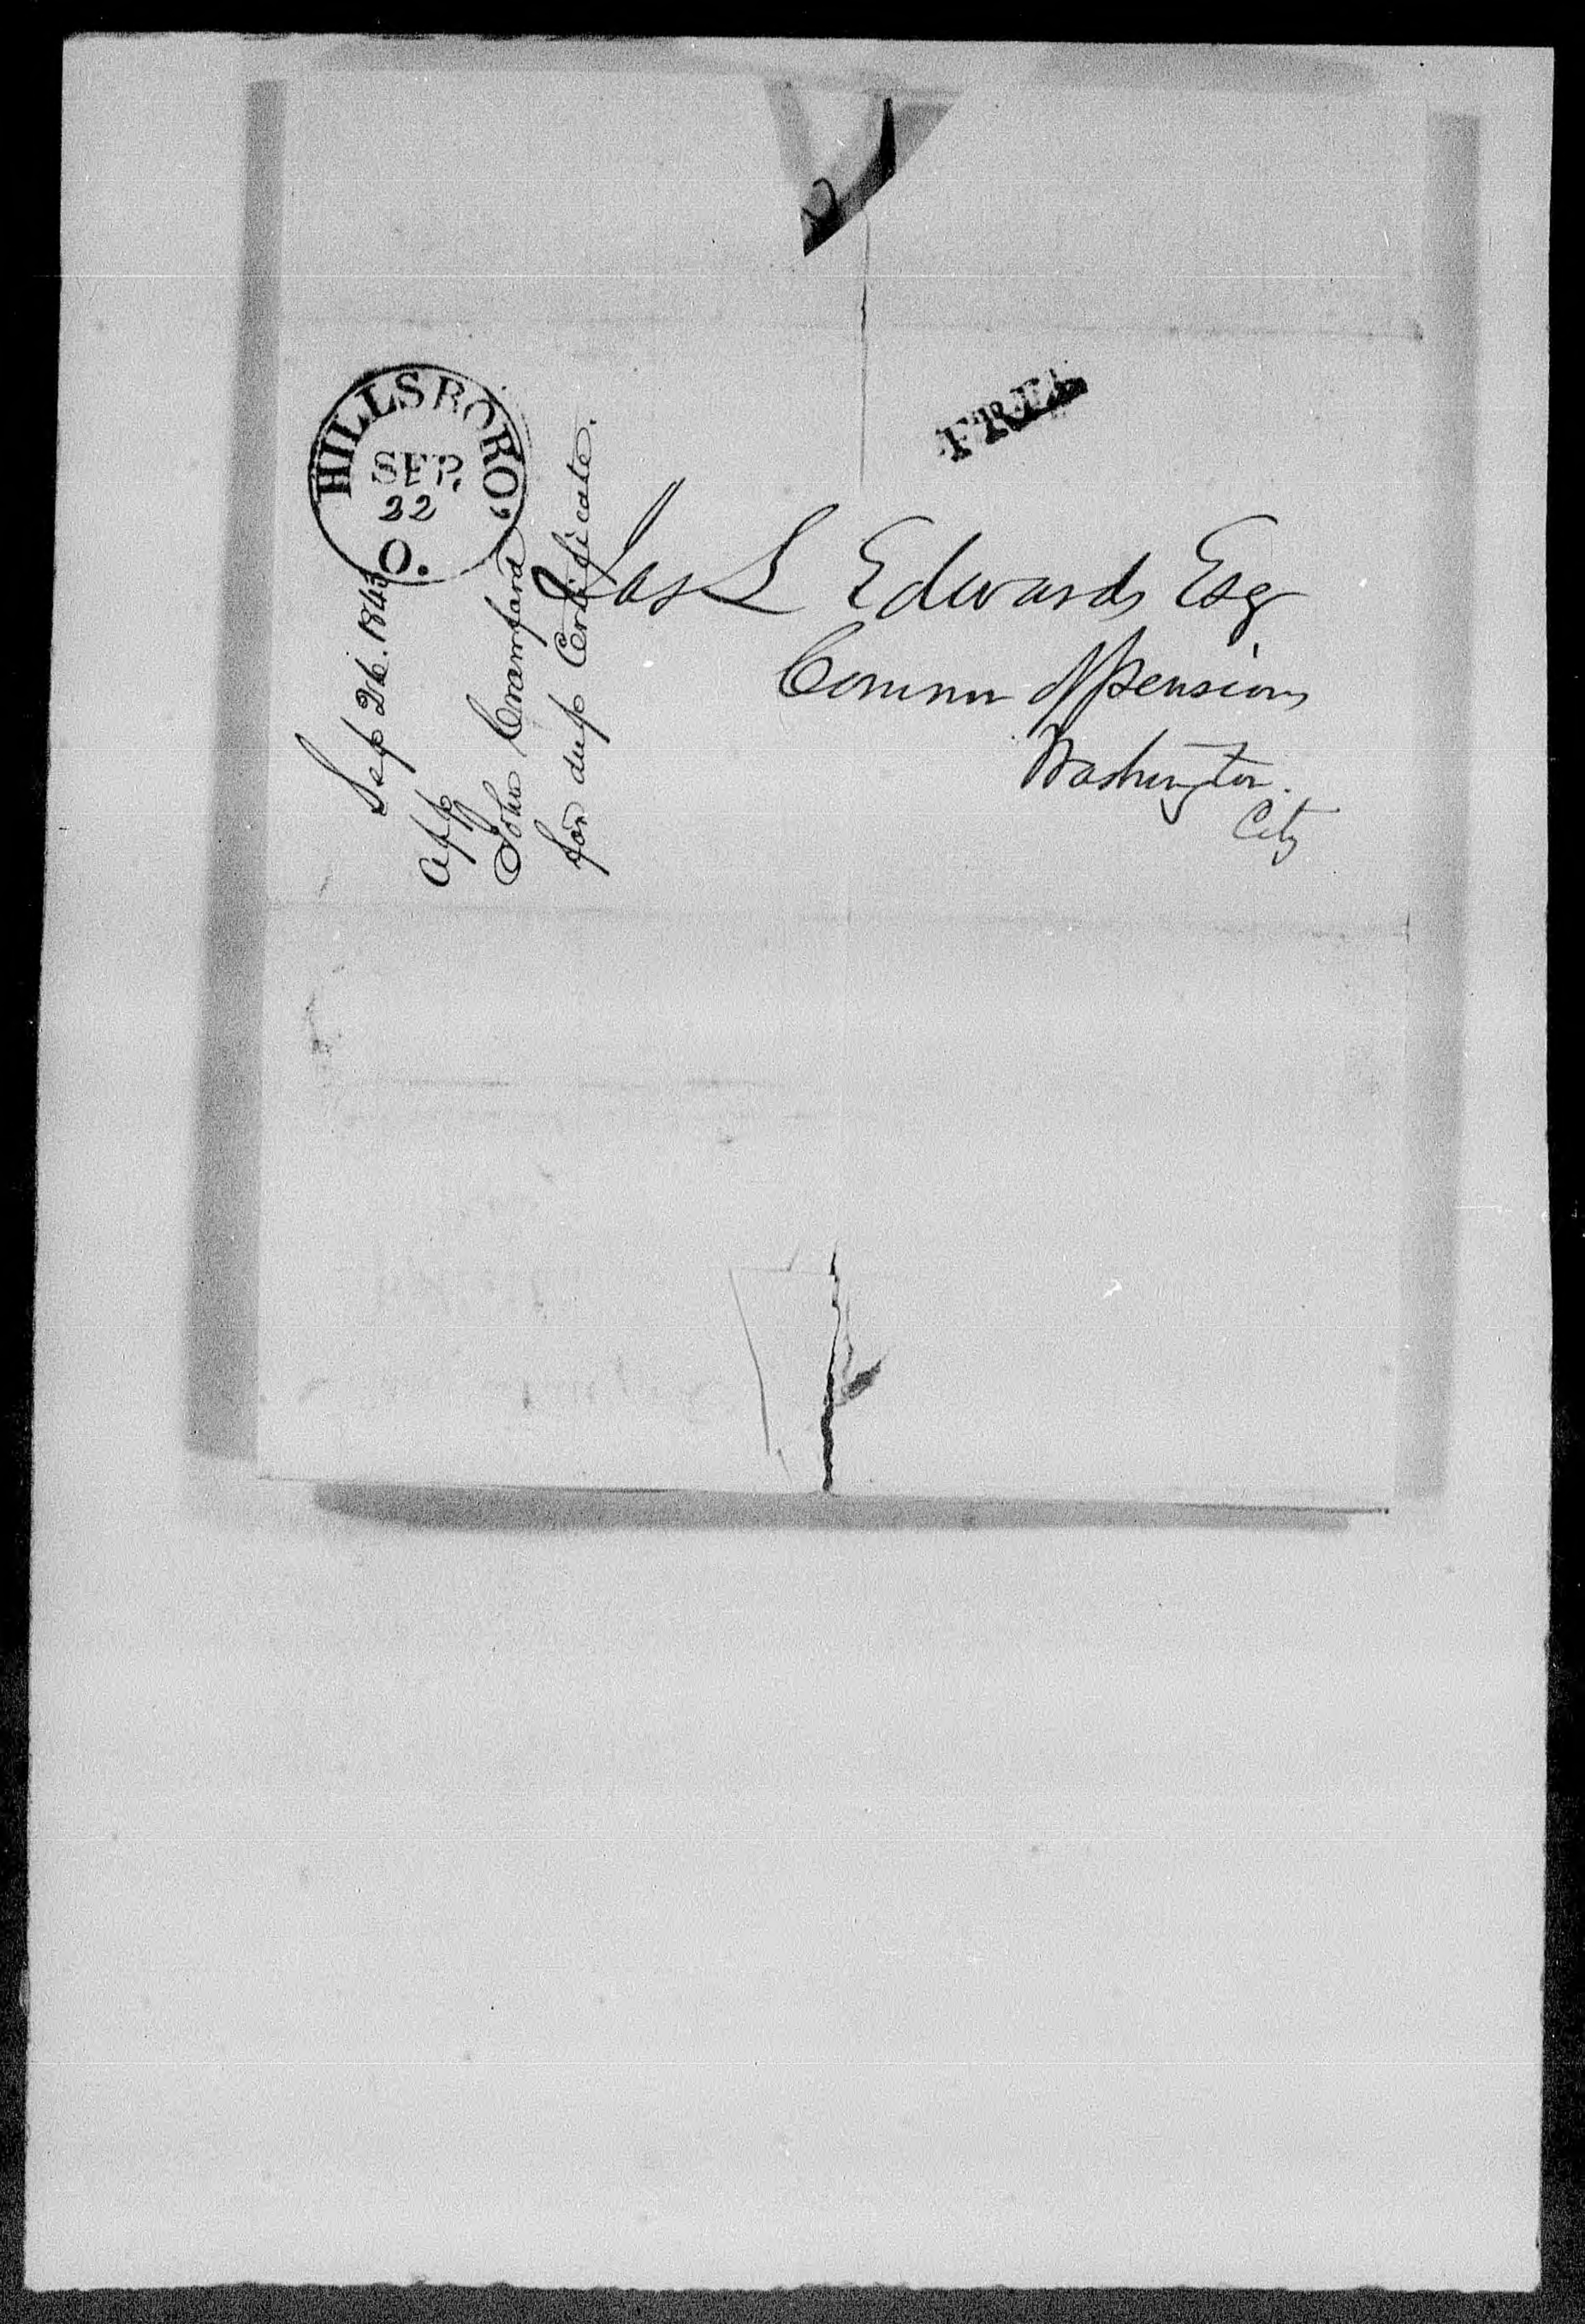[Postal Stamp]
HILLSBORO O.
SEP. 22

Sept 26 1843
App
John Crawford
for dup certificate

FREE
Jas L Edwards Esq
Comm of Pensions
Washington City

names: Jas L Edwards, John Crawford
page: 23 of 80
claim: widow's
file: W 2070, John Crawford, Penn.